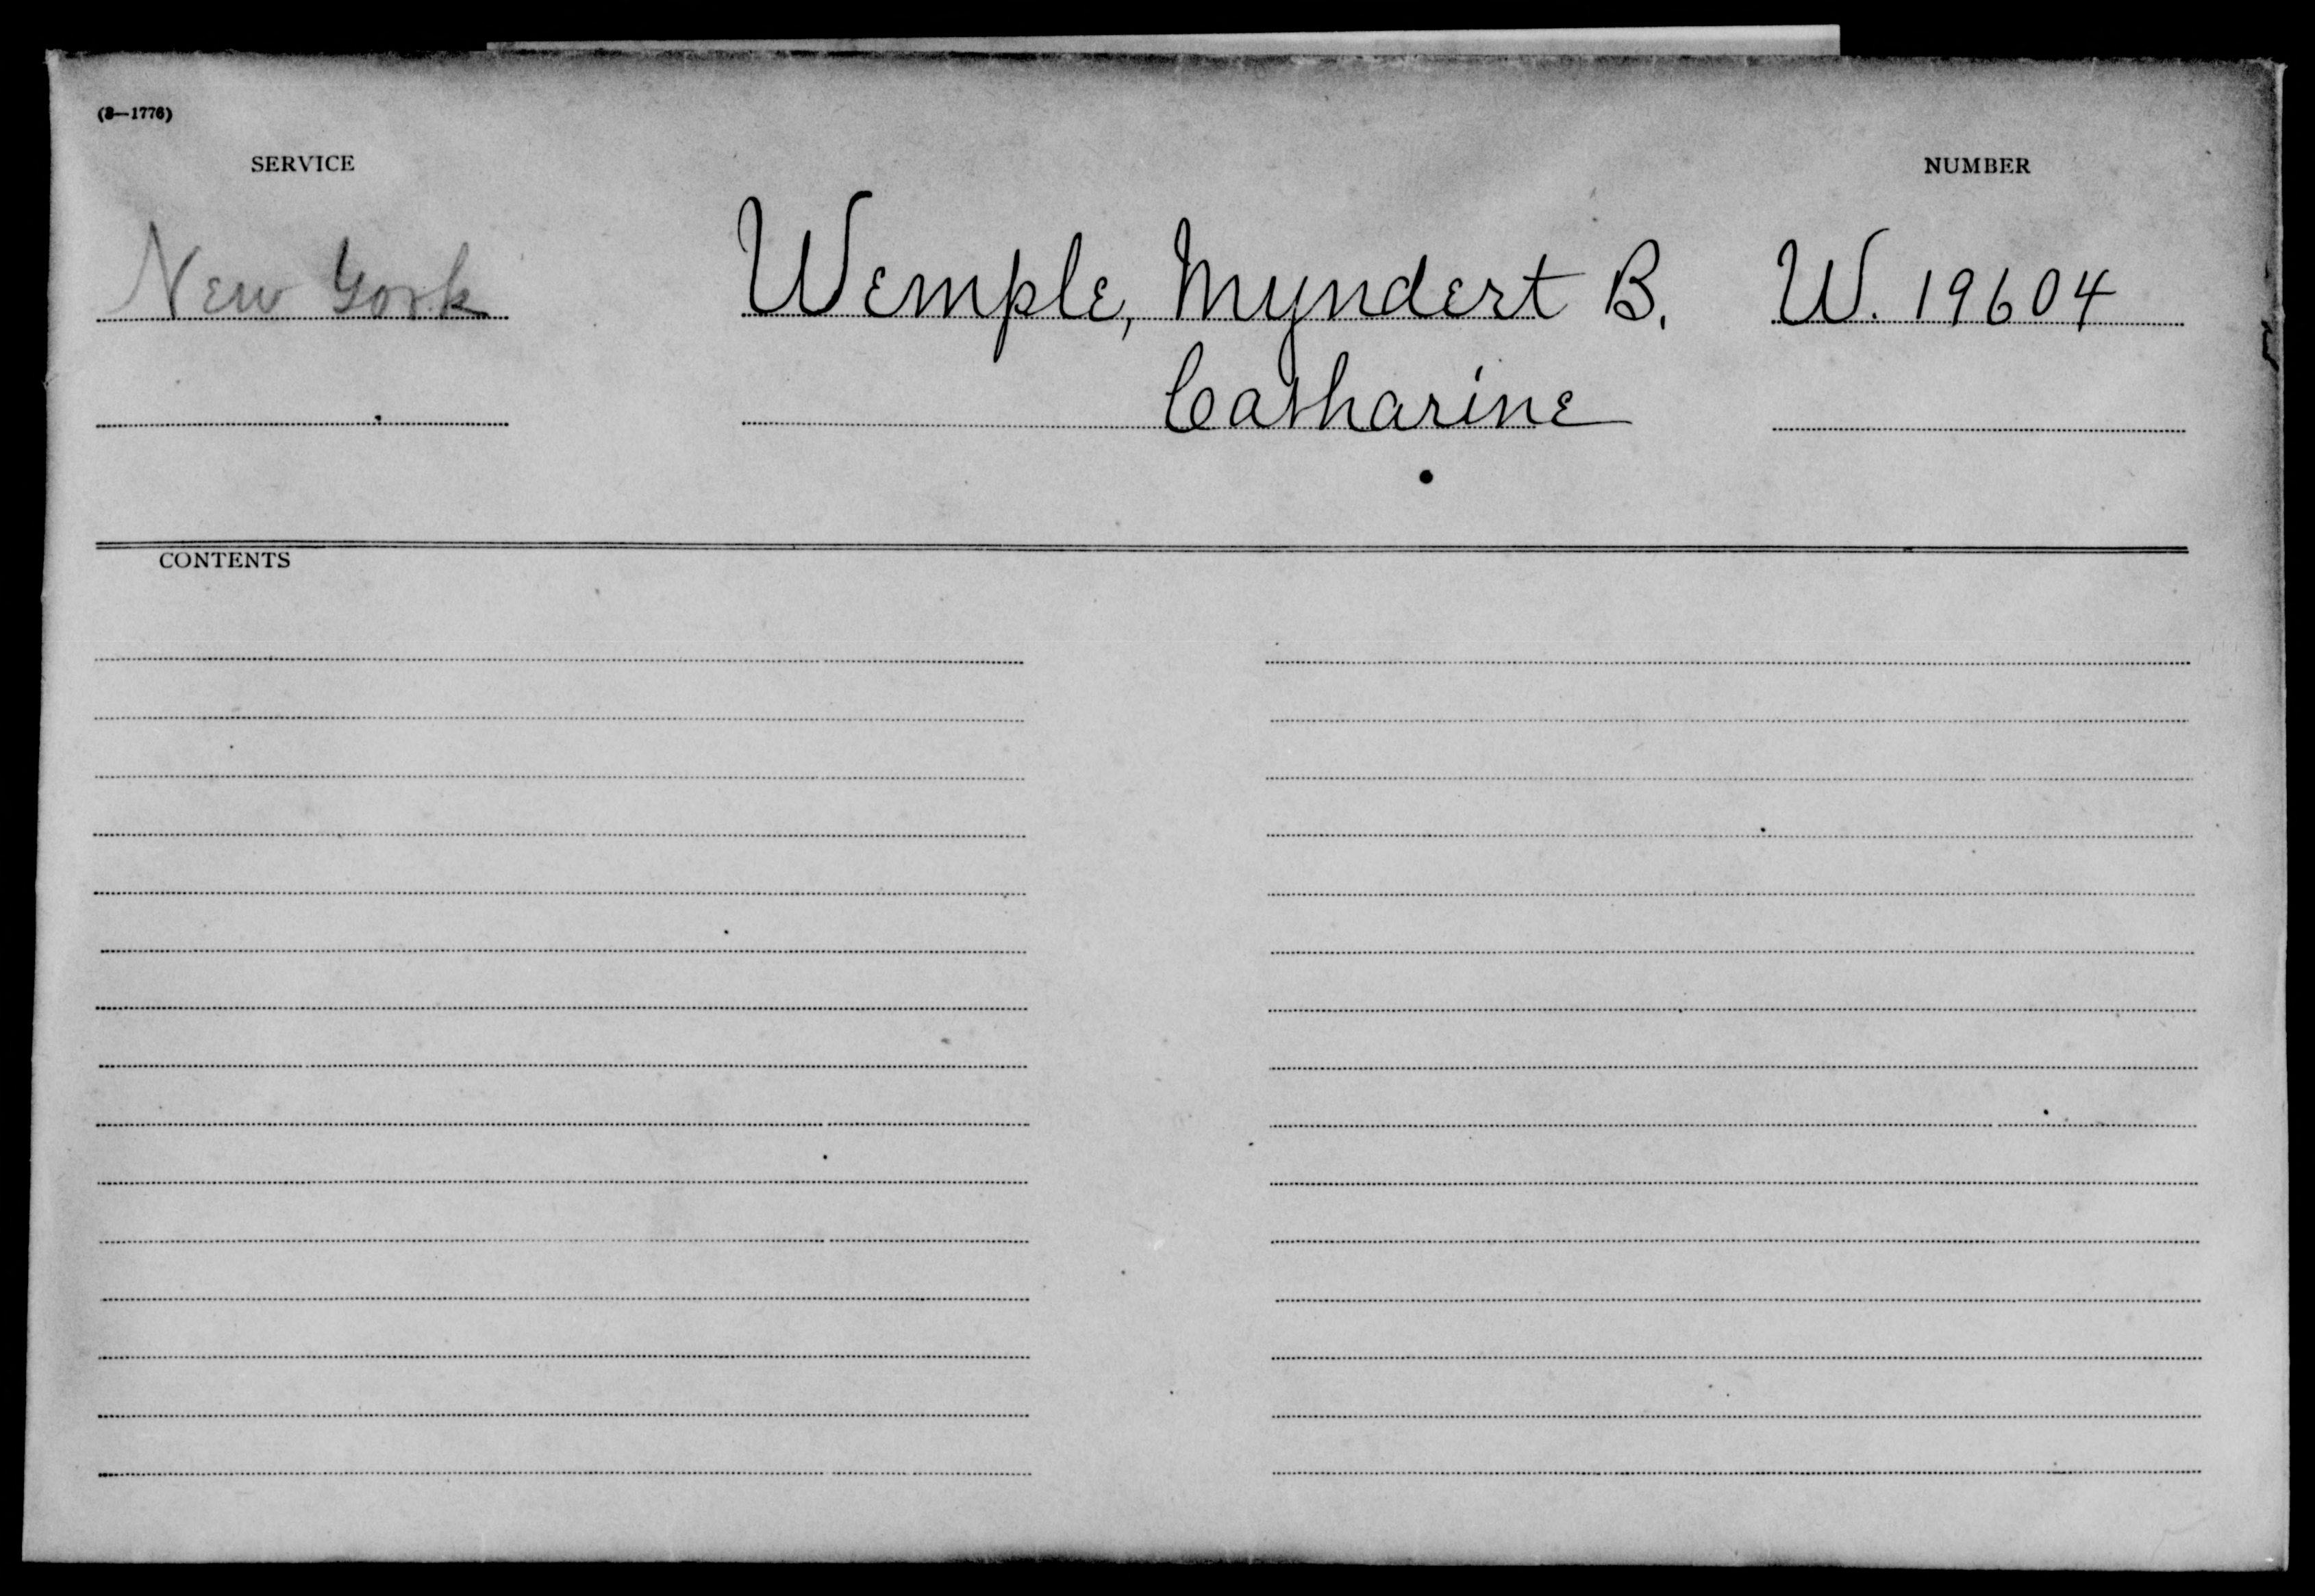(8--1776)

SERVICE
New York
Wemple, Myndert B.
Catharine

NUMBER
W. 19604


CONTENTS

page: 1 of 51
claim: widow's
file: W. 19604, Myndert B Wemple, New York